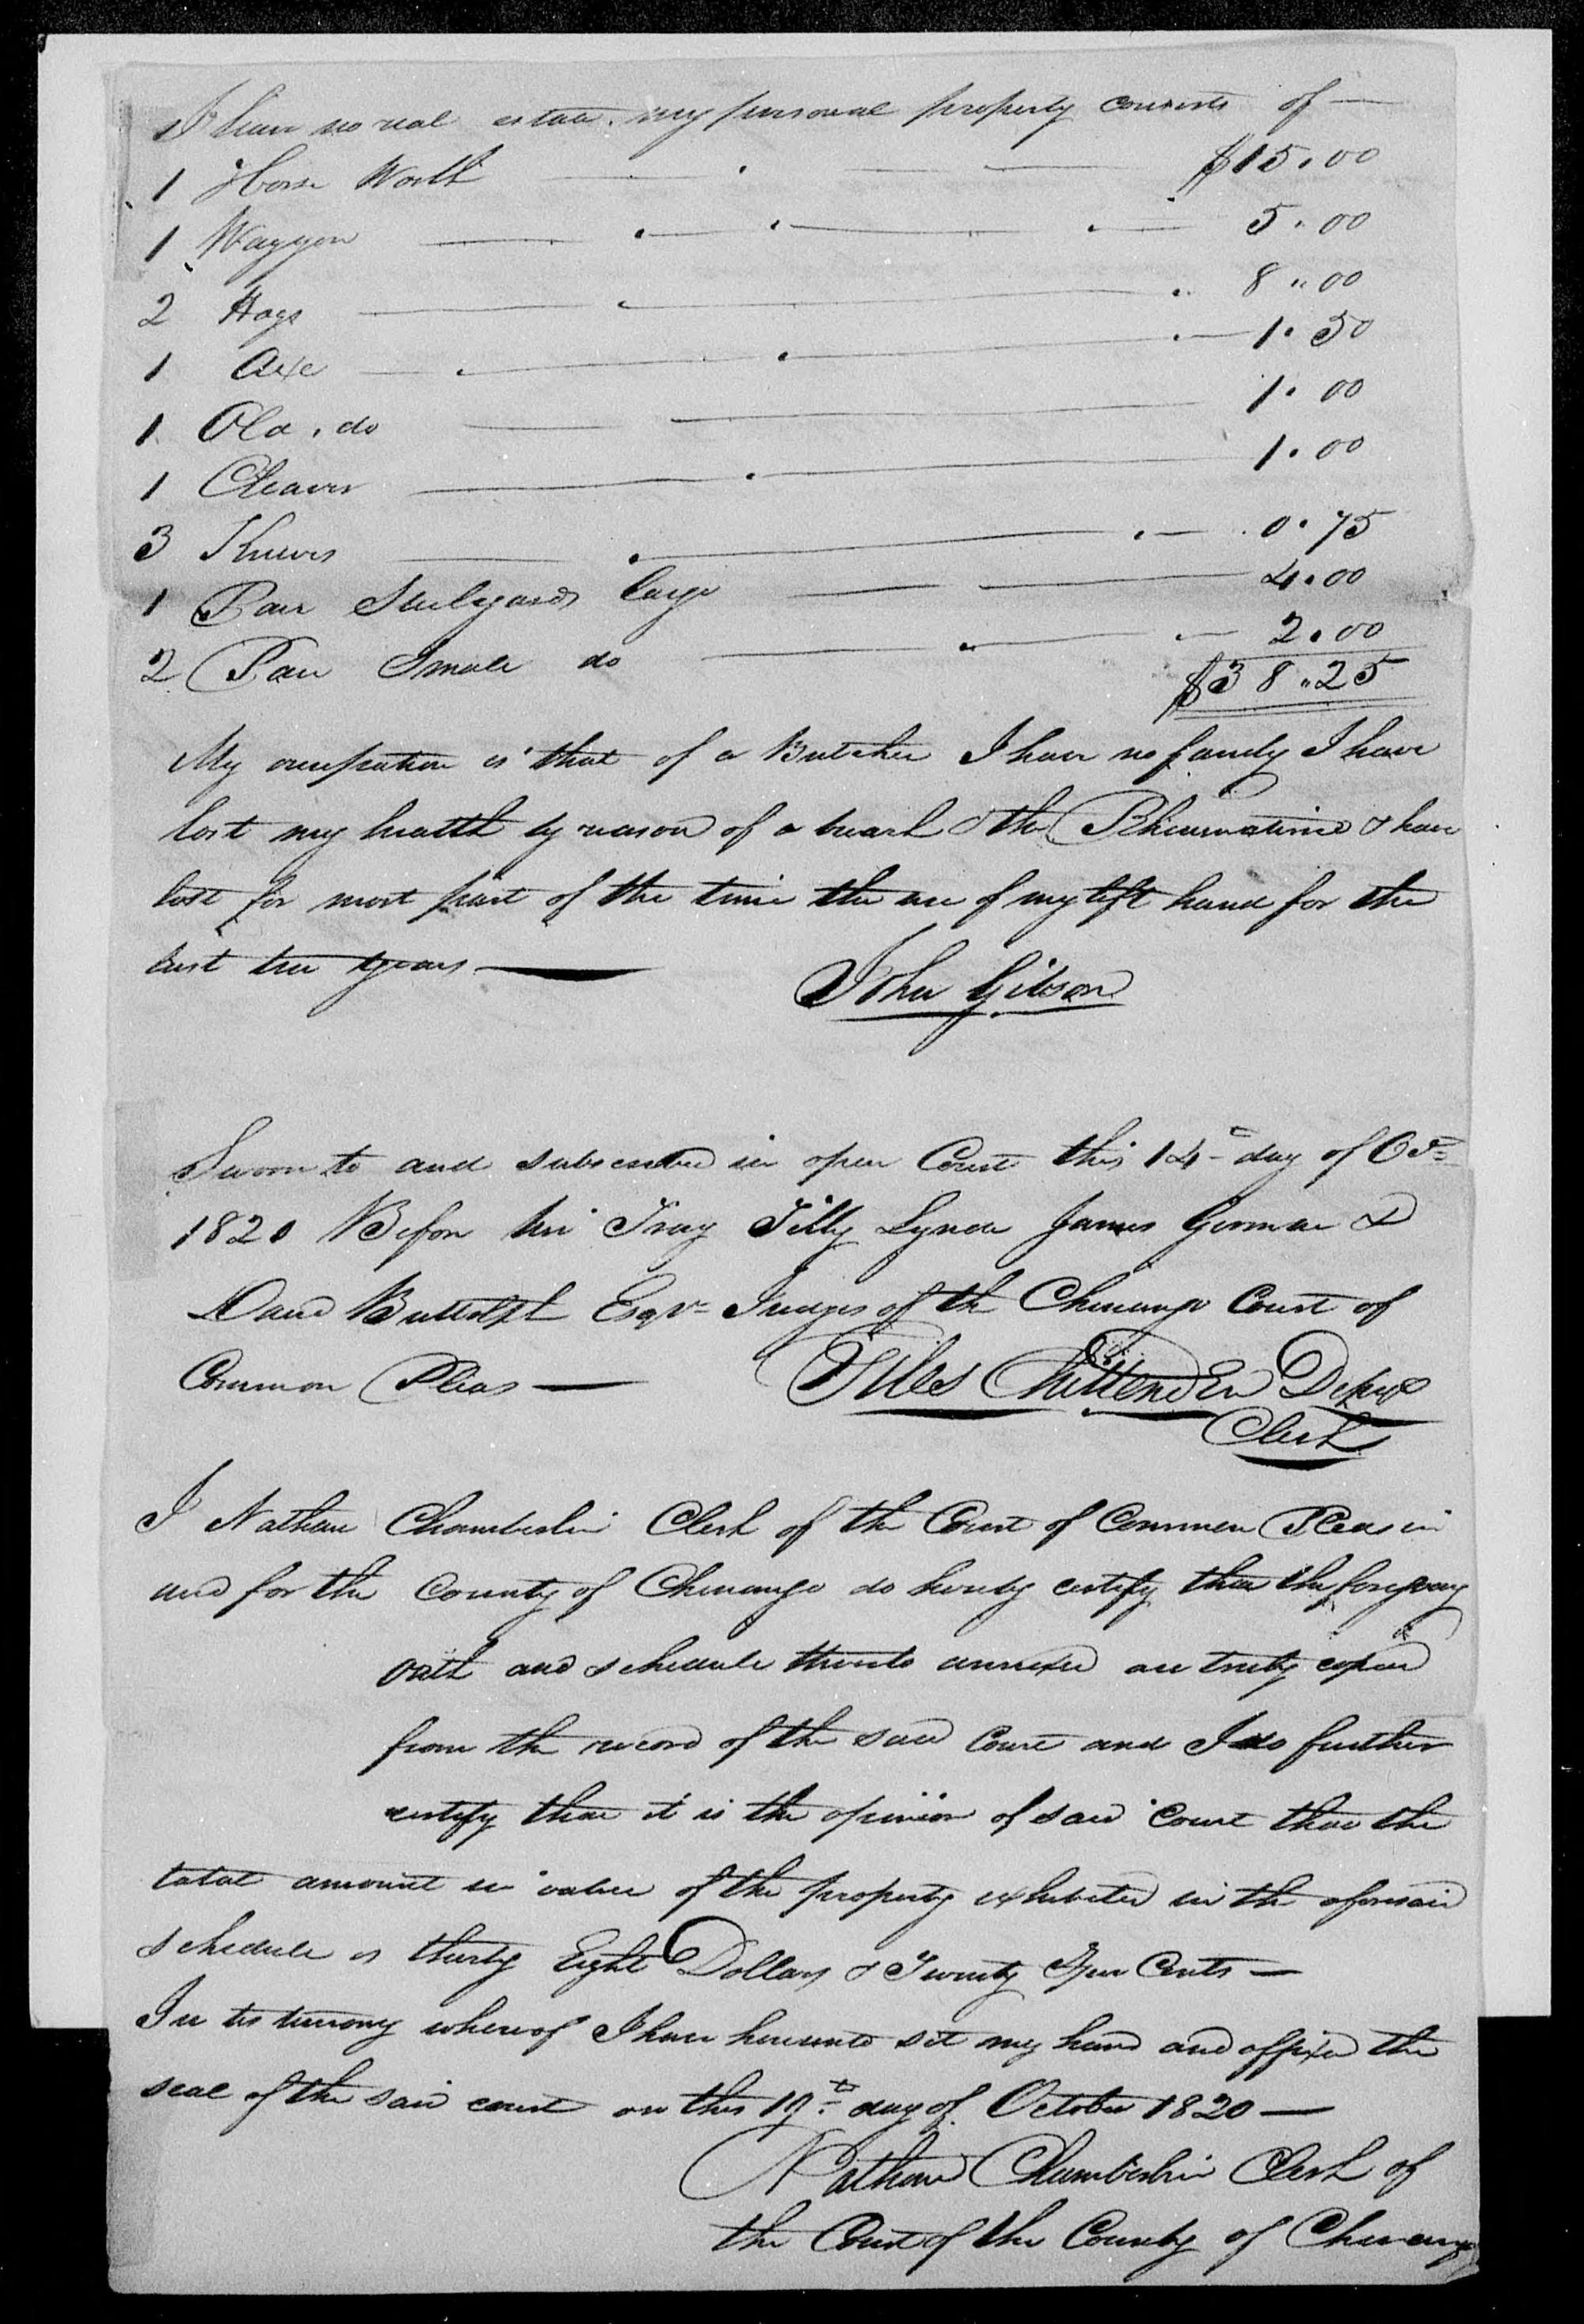have no real estate my personal property consists of
1 Horse worth $15.00
1 Waggon 5.00
2 Hogs 8.00
1 Axe 1.50
1 Old, do 1.00
1 Cleaver 1.00
3 Knives 0.75
1 Pair Sailyard lays 4.00
2 Pair Small do 2.00
[underline]
$38.25
My occupation is that of a Butcher I have no family I have
lost my health by reason of a [illegible]the Rheumatism & have
lost for most part of the time the are of my left hand for the
last ten years
John Gibson
Sworn to and subscribed in open Court this 14th day of Oct
1820 Before his Gray Tilly Lynde James Gorman &
David Buttolph Esqr Judges of the Chenango Court of
Common Pleas
Giles Chittenden Deputy Clerk
I Nathan Chamberlin Clerk of the Court of Common Pleas in
and for the County of Chenango do hereby certify that the foregoing
oath and schedule thereto annexed are truly copied
from the record of the said Court and I do further
certify that it is the opinion of said Court that the
total amount in value of the property exhibited in the aforesaid
Schedule is thirty Eight Dollars & twenty five Cents
In testimony whereof I have hereunto set my hand and affixed the
seal of the said court on this 17th day of October 1820
Nathan Chamberlin Clerk of
the Court of the County of Chenango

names: Davd Buttolph, Giles Chittenden, John Gibson, Nathan Chamberlin, Nathan Chamberlin, James German, Tray Tilly Lynde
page: 8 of 32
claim: survivor's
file: S. 34899, John Gibson, R.I.